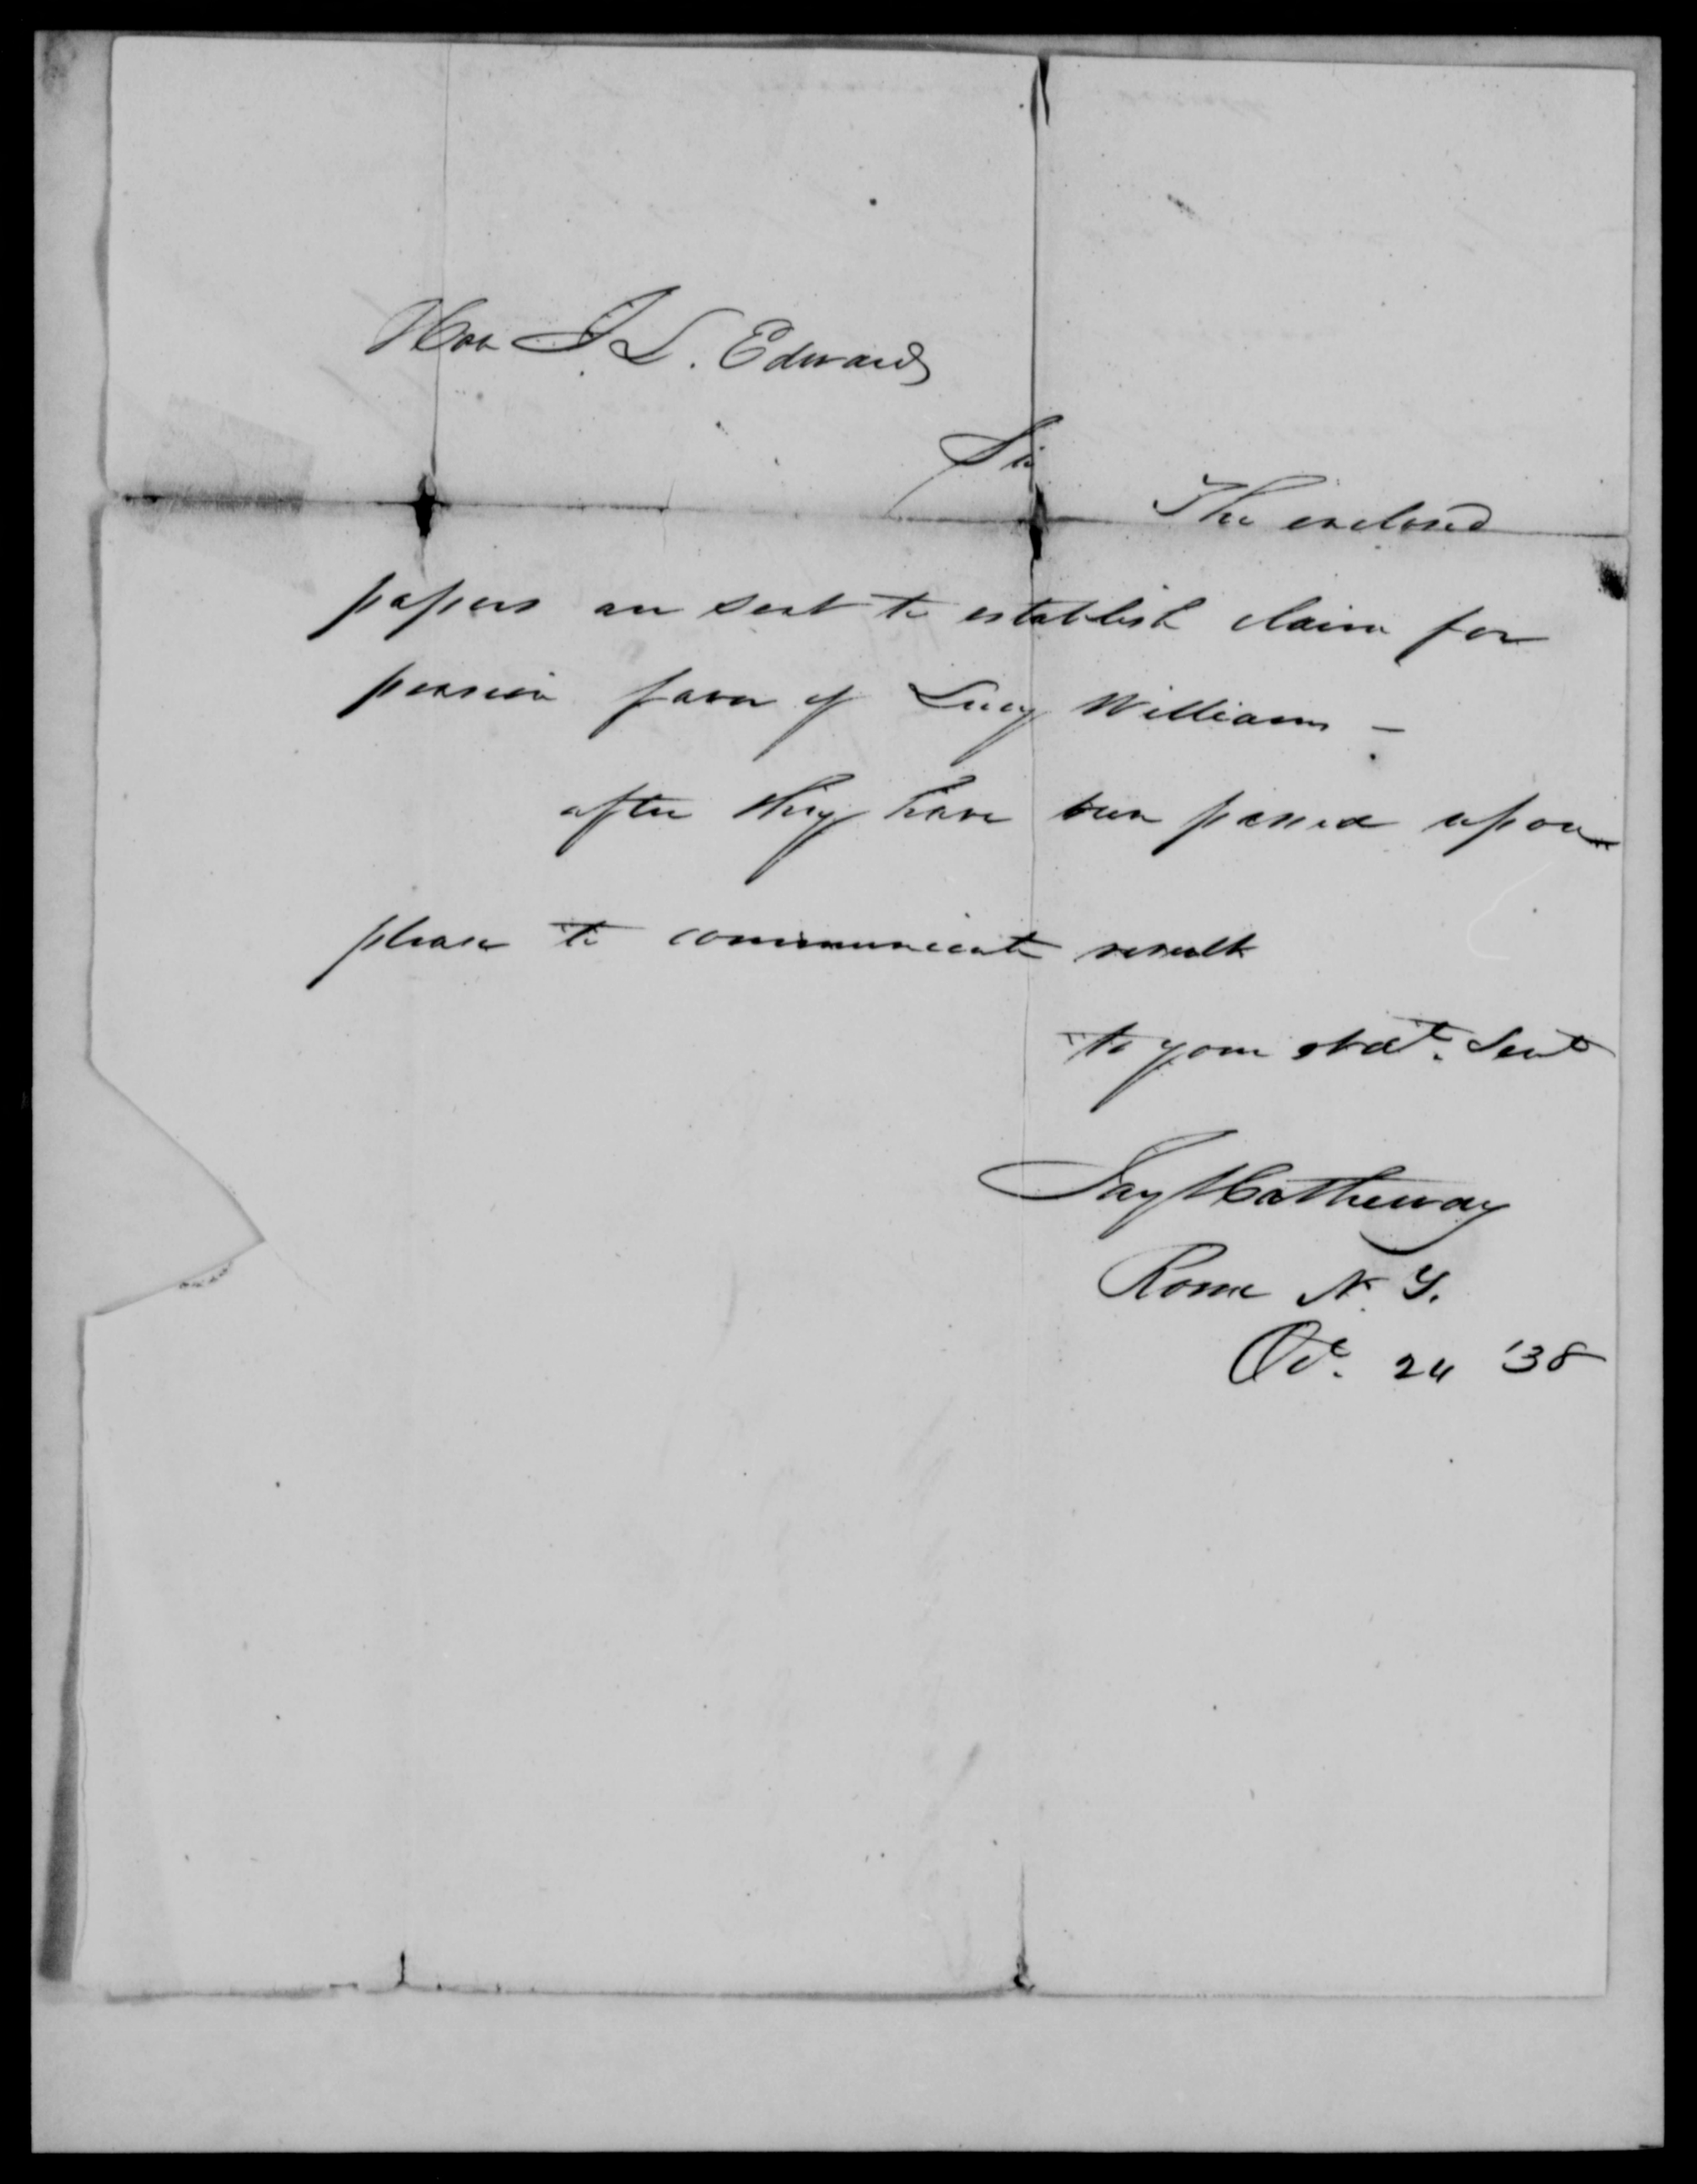Hon J. L. Edwards
Sir
The enclosed papers are sent to establish claim for pension favor of Lucy Williams - after they have been passed upon please to communicate result
to your obed servt
Jay Hathaway Rome N. Y.
Oct 24 '38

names: J L Edwards, Jay Hatheway, Lucy Williams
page: 39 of 63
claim: widow's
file: W. 22,632, David Williams, Conn. Continental Privateer